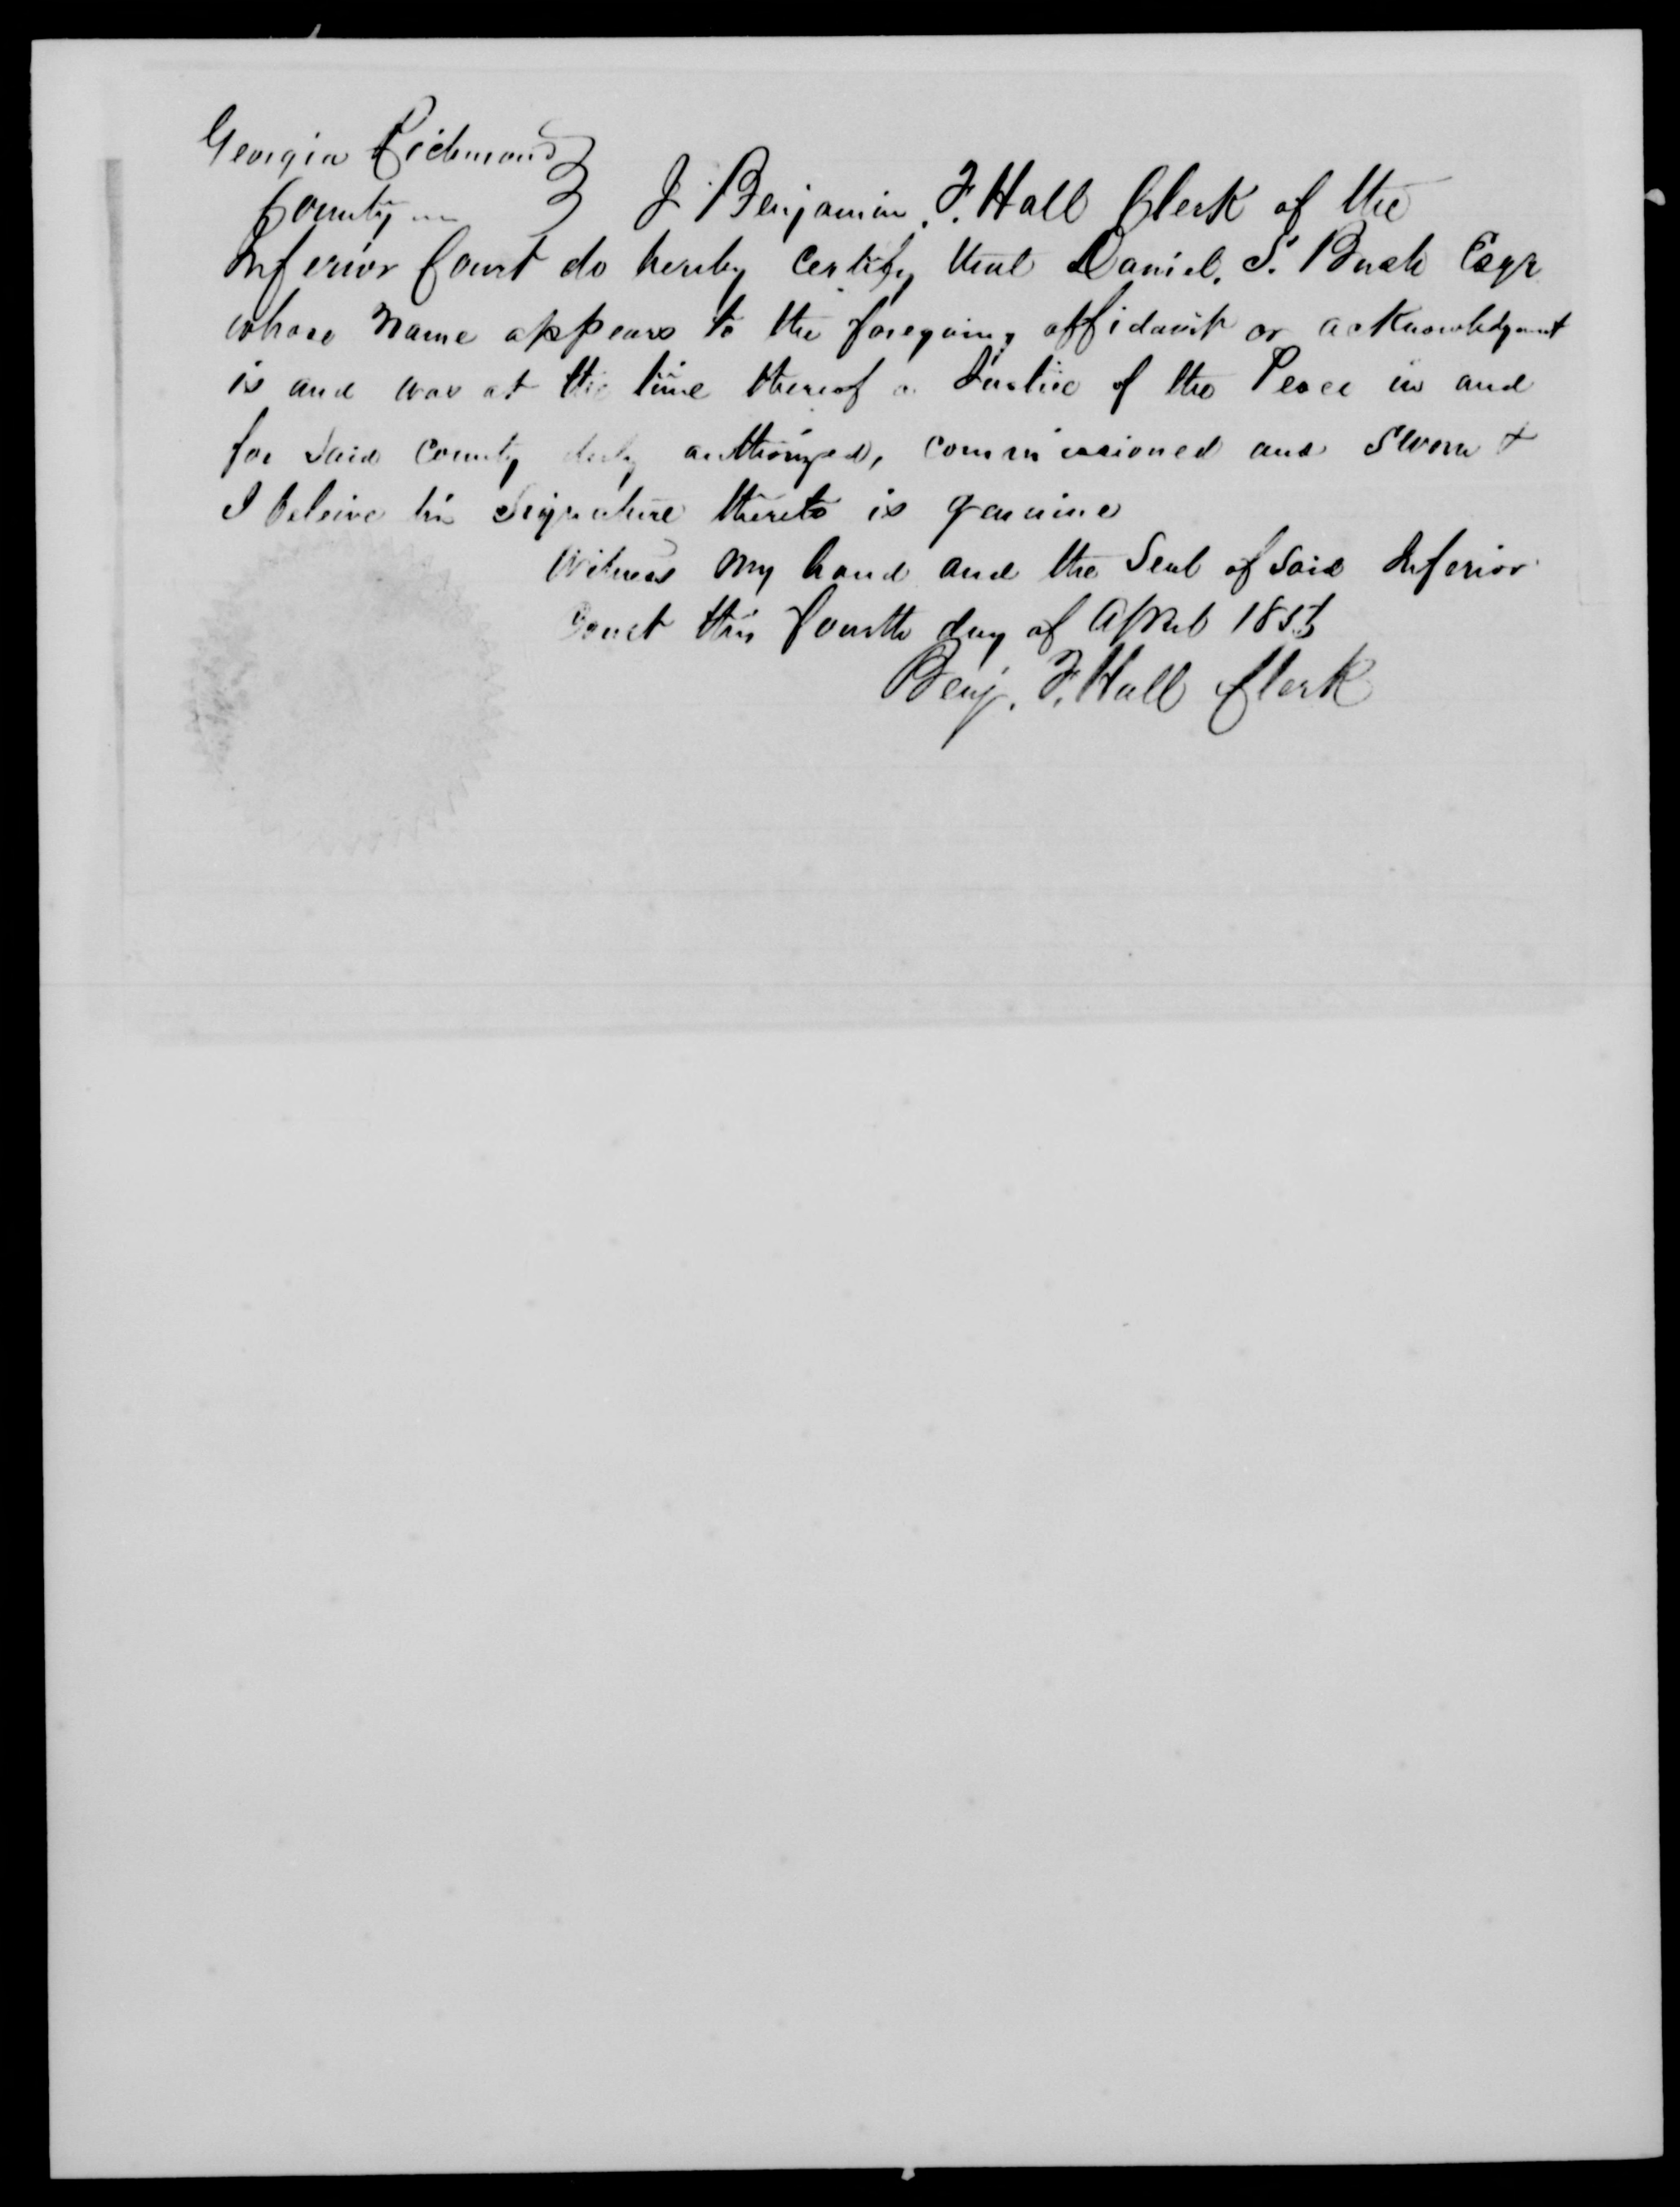Georgia Richmond
County   I Benjamin F Hall Clerk of the 
Inferior Court do hereby certify that Daniel S Bush Esq 
whose name appears to the foregoing affidavit or acknowledgement
is and was at the time thereof. Justice of the Peace in and
for said County duly authorized, commissioned and sworn 
I believe his signature thereto is genuine
Witness my hand and the Seal of said Inferior
Court this fourth day of April 18[illegible]
Benj. F. Hall Clerk
[illegible seal]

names: Daniel S Bush; Benjamin F Hall; Benj F Hall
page: 28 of 28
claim: rejected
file: R. 9744, for Robert Smith, South Carolina